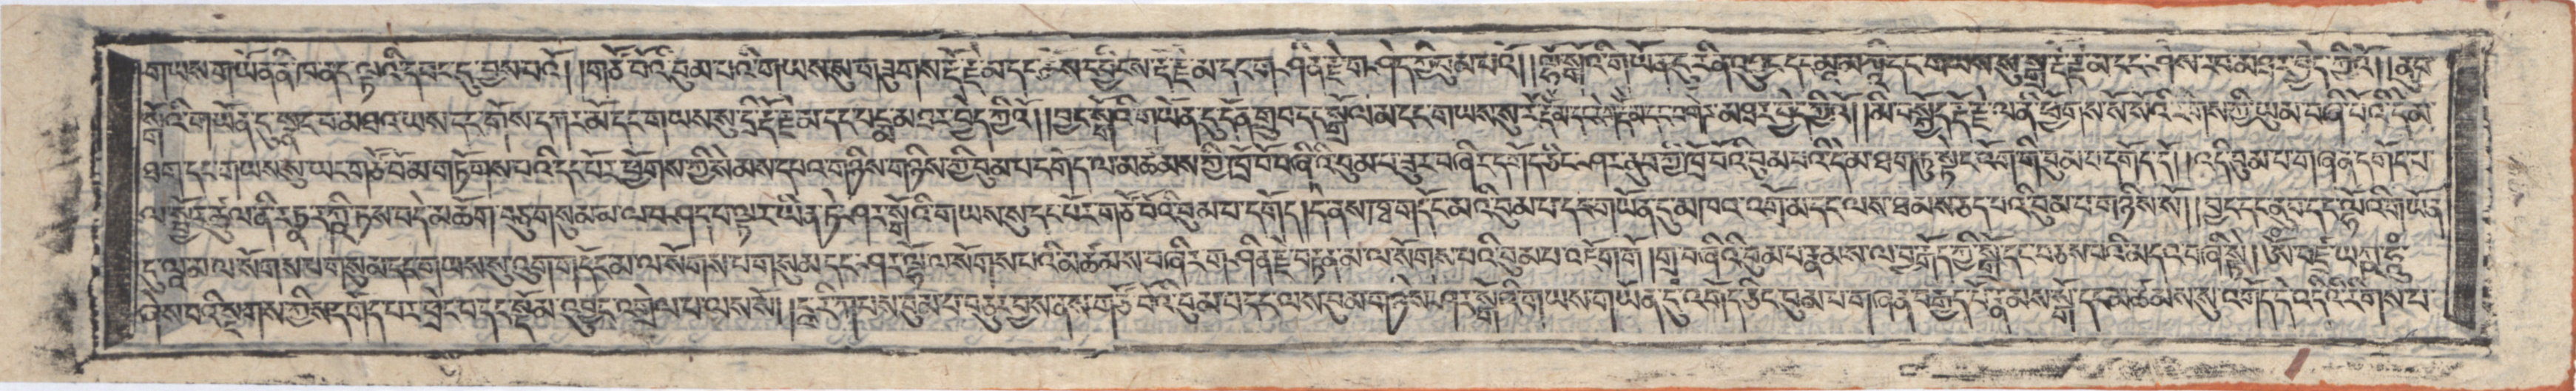གཡས་གཡོན་ནི་ཁ་ནང་ལྟའི་དབང་དུ་བྱས་པའོ། །གཙོ་བོའི་བུམ་པའི་གཡས་སུ་གཟུགས་རྡོ་རྗེ་མ་དང་ཆོས་དབྱིངས་རྡོ་རྗེ་མ་དང་གཤིན་རྗེ་གཤེད་ཀྱི་བུམ་པའོ། །ལྷོ་སྒོའི་གཡོན་དུ་རིན་འབྱུང་དང་མཱ་མ་ཀཱི་དང་གཡས་སུ་སྒྲ་རྡོ་རྗེ་མ་དང་ཤེས་རབ་མཐར་བྱེད་ཀྱིའོ། །ནུབ་
སྒོའི་གཡོན་དུ་སྣང་བ་མཐའ་ཡས་དང་གོས་དཀར་མོ་དང་གཡས་སུ་དྲི་རྡོ་རྗེ་མ་དང་པདམ་མཐར་བྱེད་ཀྱིའོ། །བྱང་སྒོའི་གཡོན་དུ་དོན་གྲུབ་དང་སྒྲོལ་མ་དང་གཡས་སུ་རོ་རྡོ་མ་དང་རེག་རྡོ་མ་དང་བགེགས་མཐར་བྱེད་ཀྱིའོ། །མི་བསྐྱོད་རྡོ་རྗེ་ལ་ནི་ཕྱོགས་སོ་སོའི་རིགས་ཀྱི་ཡུམ་བཞི་པོའི་དེ་མ་
ཐག་དང་གཡས་སུ་ཡང་གཙོ་བོ་མ་གཏོགས་པའི་དང་པོར་ཕྱོགས་ཀྱི་སེམས་དཔའ་གཉིས་གཉིས་ཀྱི་བུམ་པ་དགོད་ལ་མཚམས་ཀྱི་ཁྲོ་བོ་བཞིའི་བུམ་པ་ཟུར་བཞིར་དགོད་ཅིང་ཤར་ནུབ་ཀྱི་ཁྲོ་བོའི་བུམ་པའི་དེ་མ་ཐག་ཏུ་སྟེང་འོག་གི་བུམ་པ་དགོད་དོ། །འདི་བུམ་པ་གཞན་དགོད་པ་
ལ་སྦྱོར་ཚུལ་ནི་རཏྣ་རཀྵི་ཏས་བདེ་མཆོག་བཅུ་གསུམ་མ་ལ་བཤད་པ་ལྟར་ཡིན་ཏེ་ཤར་སྒོའི་གཡས་སུ་དང་པོར་གཙོ་བོའི་བུམ་པ་དགོད། དེ་ནས་ཁྭ་གདོང་མའི་བུམ་པ་དང་གཡོན་དུ་མཁའ་འགྲོ་མ་དང་ལས་ཐམས་ཅད་པའི་བུམ་པ་གཉིས་སོ། །བྱང་དང་ནུབ་དང་ལྷོའི་གཡོན་
དུ་ལཱ་མ་ལ་སོགས་པ་གསུམ་དང་གཡས་སུ་འུག་གདོང་མ་ལ་སོགས་པ་གསུམ་དང་ཤར་ལྷོ་ལ་སོགས་པའི་མཚམས་བཞིར་གཤིན་རྗེ་བརྟན་མ་ལ་སོགས་པའི་བུམ་པ་འཇོག་གོ །གྲ་བཞིའི་བུམ་པ་རྣམས་ལ་བྱ་རྒོད་ཀྱི་སྒྲོ་དང་བཅས་པའི་མདའ་བཞི་སྟེ། ཨོཾ་བཛྲ་ཡཀྵ་ཧཱུཾ་
ཞེས་པའི་སྔགས་ཀྱིས་དགོད་པར་ཕྲེང་བ་དང་སྡོམ་འབྱུང་འགྲེལ་པ་ལས་སོ། །དཱ་རི་ཀ་པས་བུམ་པ་བཅུར་བྱས་ནས་གཙོ་བོའི་བུམ་པ་དང་ལས་བུམ་གཉིས་ཤར་སྒོའི་གཡས་གཡོན་དུ་འགོད་ཅིང་བུམ་པ་གཞན་བརྒྱད་པོ་རྣམས་སྒོ་དང་མཚམས་སུ་འགོད་དེ་འདིའི་རིགས་པ་